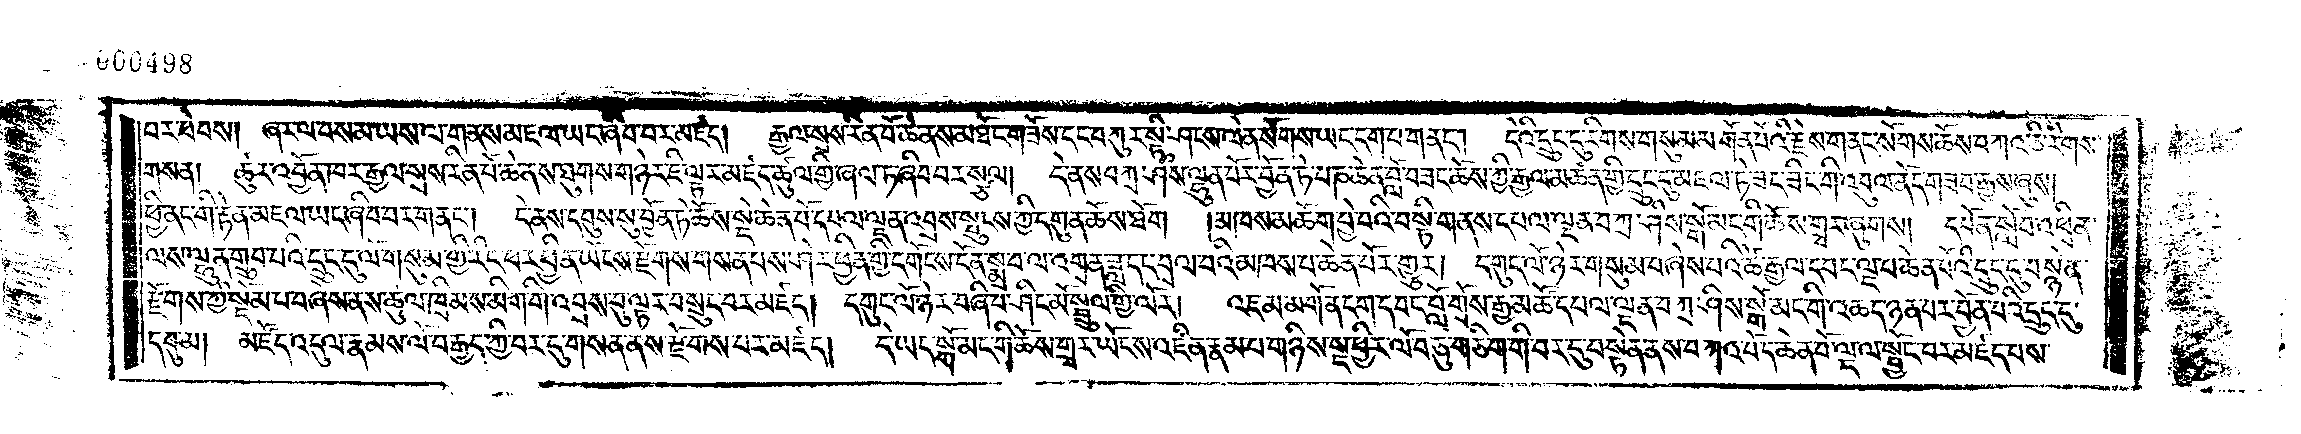པར་ཕེབས། ཞར་ལ་བསམ་ཡས་ལ་གནས་མཇལ་ཡང་ཞིབ་བར་མཛད། རྒྱལ་སྲས་རིན་པོ་ཆེ་ནས་མཐོང་གཟོས་དང་བཀུར་སྟི་ཤངས་ལེན་སོགས་ཡང་དག་བ་གནང་། དེའི་དྲུང་དུ་རིགས་གསུམ་མགོན་པོའི་རྗེས་གནང་སོགས་ཆོས་བཀའ་ཅི་རིགས་
གསན། ཚུར་འབྱོན་ཁར་རྒྱལ་སྲས་རིན་པོ་ཆེ་ནས་ཐུགས་གཉེར་ཇི་ལྟར་མཛད་ཚུལ་གྱི་ཞལ་ཏ་ཞིབ་བར་སྩལ། དེ་ནས་བཀྲ་ཤིས་ལྷུན་པོར་བྱོན་ཏེ་པཎ་ཆེན་བློ་བཟང་ཆོས་ཀྱི་རྒྱལ་མཚན་གྱི་དྲུང་དུ་མཇལ་ཏེ་ཟང་ཟིང་གི་འབུལ་ནོད་གཟབ་རྒྱས་ཞུས།
ཕྱི་ནང་གི་རྟེན་མཇལ་ཡང་ཞིབ་པར་གནང་། དེ་ནས་དབུས་སུ་བྱོན་ཏེ་ཆོས་སྡེ་ཆེན་པོ་དཔལ་ལྡན་འབྲས་སྤུངས་ཀྱི་དགུན་ཆོས་ཐོག །མཁས་མཆོག་བྱེ་བའི་བསྟི་གནས་དཔལ་ལྡན་བཀྲ་ཤིས་སྒོ་མང་གི་ཆོས་གྲྭར་ཞུགས། དཔོན་སློབ་འཕྲིན་
ལས་ལྷུན་གྲུབ་པའི་དྲུང་དུ་ལོ་གསུམ་གྱི་རིང་ཕར་ཕྱིན་ཡོངས་རྫོགས་གསན་པས་ཤེར་ཕྱིན་གྱི་དགོངས་དོན་སྨྲ་བ་ལ་འགྲན་ཟླ་དང་བྲལ་བའི་མཁས་པ་ཆེན་པོར་གྱུར། དགུང་ལོ་ཉེར་གསུམ་བཞེས་པའི་ཚེ་རྒྱལ་དབང་ལྔ་པ་ཆེན་པོའི་དྲུང་དུ་བསྙེན་
རྫོགས་ཀྱི་སྡོམ་པ་བཞེས་ནས་ཚུལ་ཁྲིམས་མིག་གི་འབྲས་བུ་ལྟར་བསྲུང་བར་མཛད། དགུང་ལོ་ཉེར་བཞི་པ་ཤིང་མོ་སྦྲུལ་གྱི་ལོར། འཇམ་མགོན་ངག་དབང་བློ་གྲོས་རྒྱ་མཚོ་དཔལ་ལྡན་བཀྲ་ཤིས་སྒོ་མང་གི་འཆད་ཉན་པར་བྱོན་པའི་དྲུང་དུ་
དབུ་མ། མཛོད་འདུལ་རྣམས་ལོ་བརྒྱད་ཀྱི་བར་དུ་གསན་ནས་རྫོགས་པར་མཛད། དེ་ཡང་སྒོ་མང་གི་ཆོས་གྲྭར་ཡོངས་འཛིན་རྣམ་པ་གཉིས་སྔ་ཕྱིར་ལོ་བཅུ་གཅིག་གི་བར་དུ་བསྟེན་ནས་བཀའ་བོད་ཆེན་པོ་ལྔ་ལ་སྦྱོང་བར་མཛད་པས་